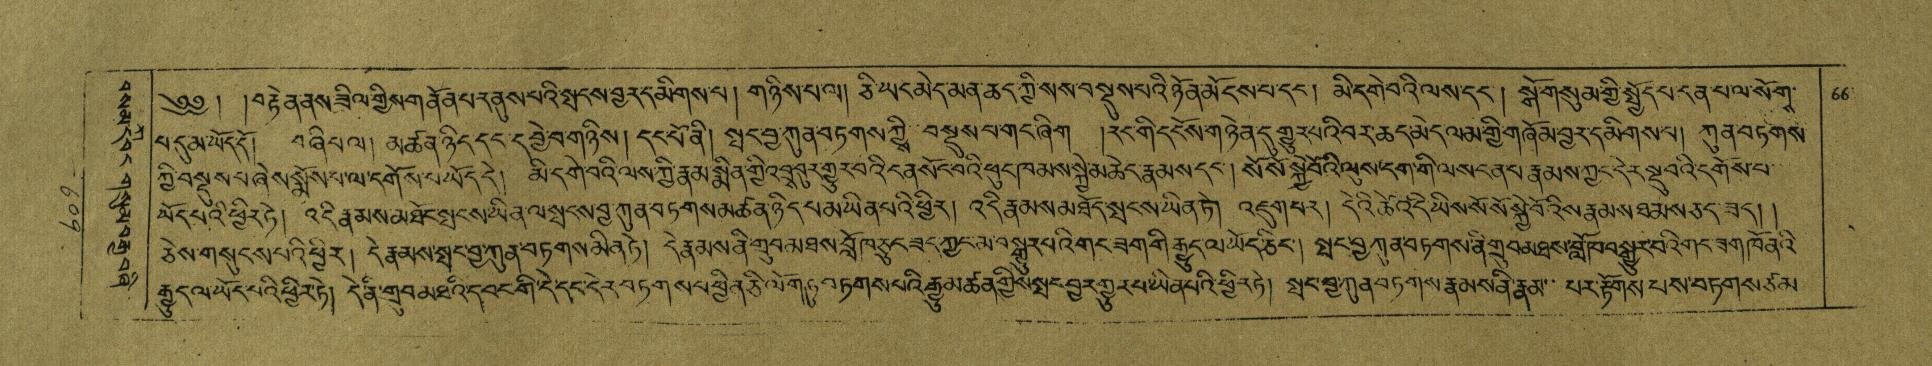༄༅། །བརྟེན་ནས་ཟིལ་གྱིས་གནོན་པར་ནུས་པའི་སྤངས་བྱར་དམིགས་པ། གཉིས་པ་ལ། ཅི་ཡང་མེད་མན་ཆད་ཀྱི་སས་བསྡུས་པའི་ཉོན་མོངས་པ་དང་། མི་དགེ་བའི་ལས་དང་། སྒོ་གསུམ་གྱི་སྤྱོད་པ་ངན་པ་ལ་སོགས་
པ་དུ་མ་ཡོད་དོ། བཞི་པ་ལ། མཚན་ཉིད་དང་དབྱེ་བ་གཉིས། དང་པོ་ནི། སྤང་བྱ་ཀུན་བཏགས་ཀྱིས་བསྡུས་པ་གང་ཞིག །རང་གི་དངོས་གཉེན་དུ་གྱུར་པའི་བར་ཆད་མེད་ལམ་གྱི་གཞོམ་བྱར་དམིགས་པ། ཀུན་བཏགས་
ཀྱི་བསྡུས་པ་ཞེས་སྨོས་པ་ལ་དགོས་པ་ཡོད་དེ། མི་དགེ་བའི་ལས་ཀྱི་རྣམ་སྨིན་གྱི་འབྲས་བུར་གྱུར་བའི་ངན་སོང་བའི་ཕུང་ཁམས་སྐྱེ་མཆེད་རྣམས་དང་། སོ་སོ་སྐྱེ་བོའི་ལུས་ངག་གི་ལས་ངན་པ་རྣམས་ཀྱང་དེར་སྡུ་བའི་དགོས་པ་
ཡོད་པའི་ཕྱིར་ཏེ། འདི་རྣམས་མཐོང་སྤངས་ཡིན་ལ་སྤངས་བྱ་ཀུན་བཏགས་མཚན་ཉིད་པ་མ་ཡིན་པའི་ཕྱིར། འདི་རྣམས་མཐོད་སྤངས་ཡིན་ཏེ། འཇུག་པར། དེའི་ཚེ་འདི་ཡིས་སོ་སོ་སྐྱེ་བོའི་ས་རྣམས་ཐམས་ཅད་ཟད། །
ཅེས་གསུངས་པའི་ཕྱིར། དེ་རྣམས་སྤང་བྱ་ཀུན་བཏགས་མིན་ཏེ། དེ་རྣམས་ནི་གྲུབ་མཐས་བློ་ཁ་ཅུང་ཟད་ཀྱང་མ་བསྒྱུར་བའི་གང་ཟག་གི་རྒྱུད་ལ་ཡོད་ཅིང་། སྤང་བྱ་ཀུན་བཏགས་ནི་གྲུབ་མཐས་བློ་ཁ་བསྒྱུར་བའི་གང་ཟག་ཁོ་ནའི་
རྒྱུད་ལ་ཡོད་པའི་ཕྱིར་ཏེ། དེ་ནི་གྲུབ་མཐའི་དབང་གི་དེ་དང་དེར་བཏགས་པ་ཕྱིན་ཅི་ལོག་ཏུ་བཏགས་པའི་རྒྱུ་མཚན་གྱིས་སྤང་བྱར་གྱུར་པ་ཡིན་པའི་ཕྱིར་ཏེ། སྤང་བྱ་ཀུན་བཏགས་རྣམས་ནི་རྣམ་པར་རྟོག་པས་བཏགས་ཙམ་